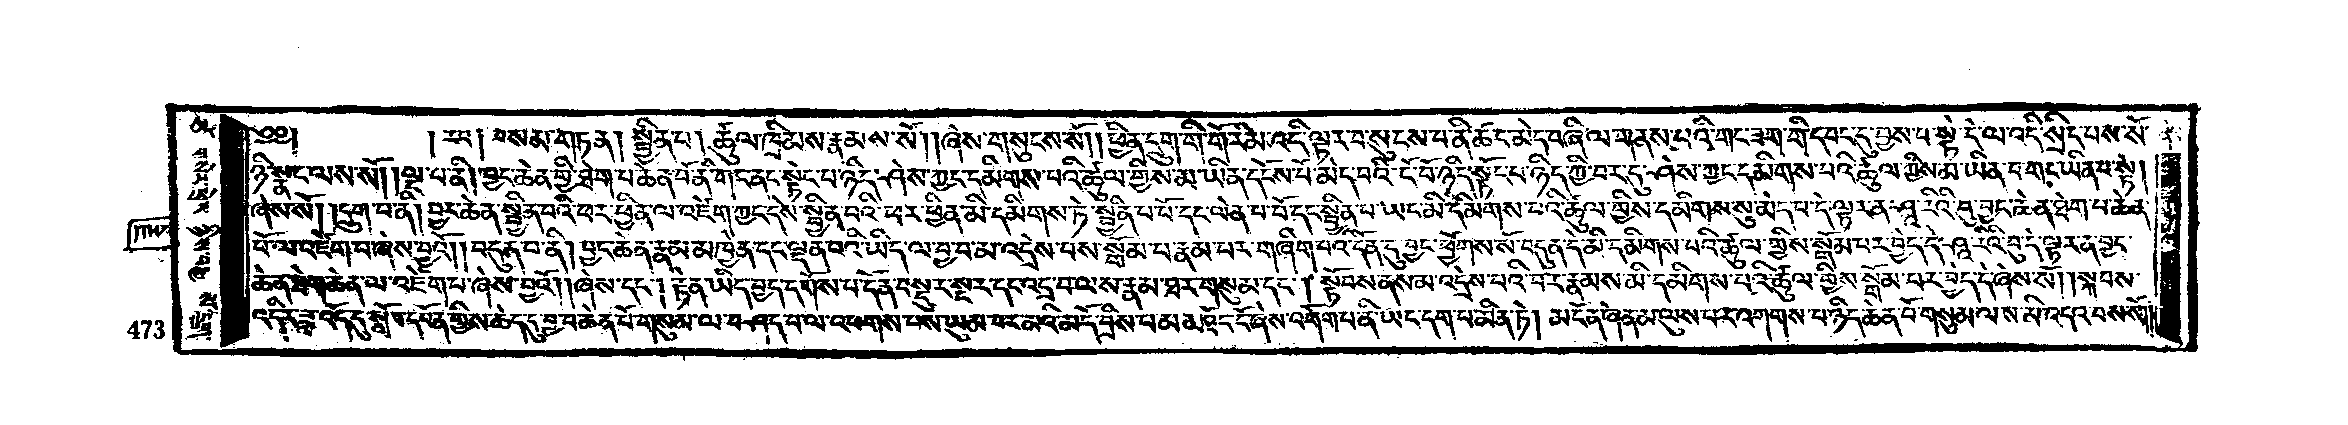༄༅། །རབ། བསམ་གཏན། སྦྱིན་པ། ཚུལ་ཁྲིམས་རྣམས་སོ། །ཞེས་གསུངས་སོ། །ཕྱིན་དྲུག་གི་གོ་རིམ་འདི་ལྟར་བ་སུངས་པ་ནི་ཚང་མེད་བཞི་ལ་གནས་པའི་གང་ཟག་གི་དབང་དུ་བྱས་པ་སྟེ་དེ་ལ་འདི་སྲིད་པས་སོ་ཞེས་
ཉི་སྣང་ལས་སོ། །ལྔ་པ་ནི། བྱང་ཆེན་གྱི་ཐེག་པ་ཆེན་པོ་ནི་གང་ནང་སྟོང་པ་ཉིད་ཤེས་ཀྱང་དམིགས་པའི་ཚུལ་གྱིས་མ་ཡིན་དངོས་པོ་མེད་པའི་ངོ་བོ་ཉིད་སྟོང་པ་ཉིད་ཀྱི་བར་དུ་ཤེས་ཀྱང་དམིགས་པའི་ཚུལ་ཀྱིས་མ་ཡིན་པ་གང་ཡིན་པ་སྟེ།
ཞེས་སོ། །དྲུག་པ་ནི། བྱང་ཆེན་སྦྱིན་པའི་ཕར་ཕྱིན་ལ་འཛེག་ཀྱང་དེས་སྦྱིན་པའི་ཕར་བྱིན་མི་དམིགས་ཏེ་སྦྱིན་པ་པོ་དང་ལེན་པ་པོ་དང་སྦྱིན་པ་ཡང་མི་དམིགས་པའི་ཚུལ་གྱིས་དམིགས་སུ་མེད་པ་དེ་ལྟར་མ་ཤཱ་རིའི་བུ་བྱང་ཆེན་ཐེག་པ་ཆེན་
པོ་ལ་འཛེག་པ་ཞེས་བྱའོ། །བདུན་པ་ནི། བྱང་ཆེན་རྣམ་མཁྱེན་དང་ལྡན་པའི་ཡིད་ལ་བྱ་བ་མ་འདྲེས་པས་སྒོམ་པ་རྣམ་པར་གཞིག་པའི་དོན་དུ་བྱང་ཕྱོགས་སོ་བདུན་དེ་མི་དམིགས་པའི་ཚུལ་གྱིས་སྒོམ་པར་བྱེད་དེ་ཤཱ་རིའི་བུ་དེ་ལྟར་ན་བྱང་
ཆེན་ཐེག་ཆེན་ལ་འཛེག་པ་ཞེས་བྱའོ། །ཞེས་དང་། རྟེན་ཡིད་བྱད་དགོས་པ་དོན་བསྡུར་སྔར་དང་འདྲ་བ་ལས་རྣམ་ཐར་གསུམ་དང་། སྟོབས་ནས་མ་འདྲེས་པའི་བར་རྣམས་མི་དམིགས་པའི་ཚུལ་གྱིས་སྒོམ་པར་བྱེད་དེ་ཞེས་སོ། །སྐབས་
འདིར་ཟླ་འོད་དུ་སློབ་དཔོན་གྱིས་ཆེད་དུ་བྱ་བ་ཆེན་པོ་གསུམ་ལ་བཤད་པ་ལ་འཕགས་པས་ཡུམ་བར་མའི་མདོ་བྲིས་པ་མ་མཐོང་ངོ་ཞེས་འགོག་པ་ནི་ཡང་དག་པ་མིན་ཏེ། མངོན་ཞེན་མ་ལུས་པར་འགགས་པ་ཉིད་ཆེན་པོ་གསུམ་ལས་མི་འདའ་བས་སོ། །